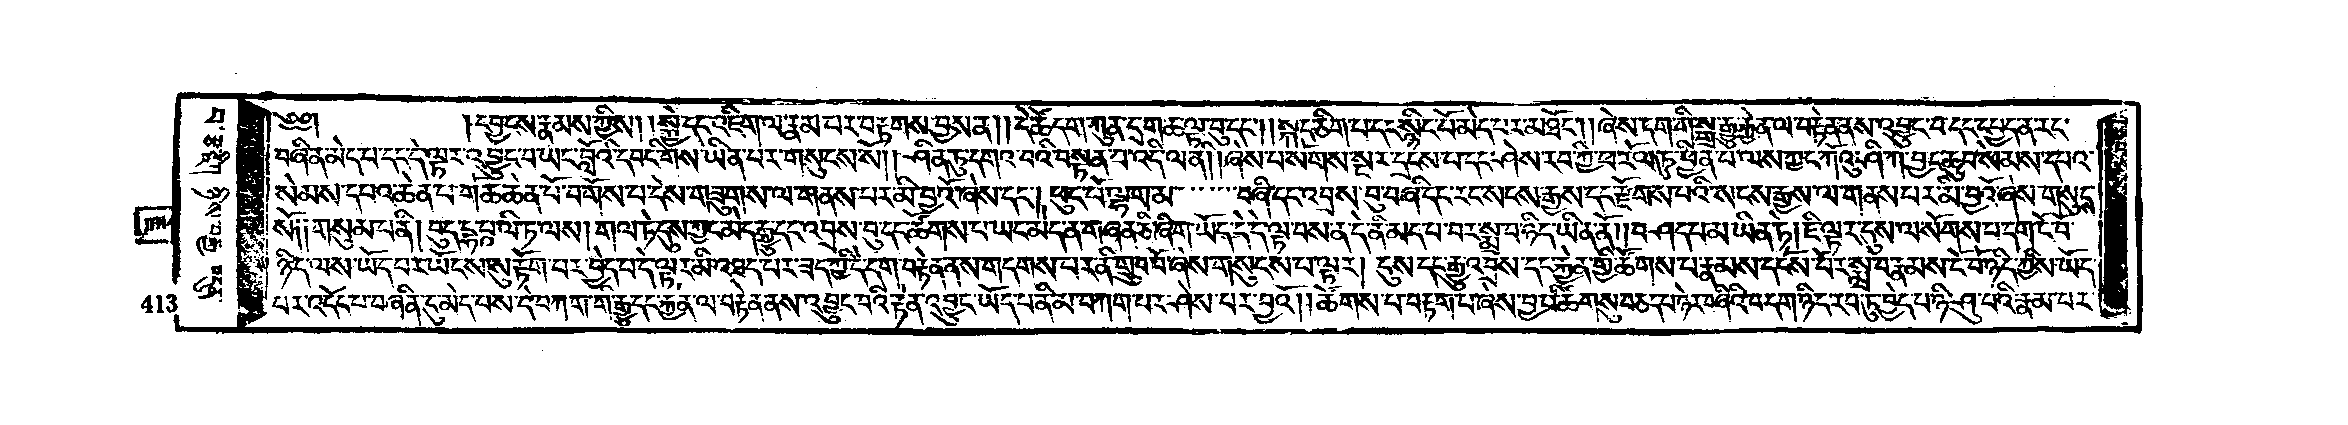༄༅། །དབྱངས་རྣམས་ཀྱིས། །སྐྱེ་དང་འཇིག་ལ་རྣམ་པར་བརྟགས་བྱས་ན། །དེ་ཚེ་དག་ཀུན་དྲག་ཆ་ལྟ་བུ་དང་། །སྐད་ཅིག་པ་དང་སྙིང་པོ་མེད་པར་མཐོང་། །ཞེས་ངག་གི་སྒྲ་རྒྱུ་རྐྱེན་ལ་བརྟེན་ནས་འབྱུང་བ་དང་དཔྱད་ན་རང་
བཞིན་མེད་པ་དང་དེ་ལྟར་འབྱུང་བ་ཡང་བློའི་དབང་གིས་ཡིན་པར་གསུངས་སོ། །ཤིན་ཏུ་དགའ་བའི་བསྟན་པ་འདི་ལ་ནི། །ཞེས་པ་སོགས་སྔར་དྲངས་པ་དང་ཤེས་རབ་ཀྱི་ཕ་རོལ་ཏུ་ཕྱིན་པ་ལས་ཀྱང་ཀོའུ་ཤི་ཀ་བྱང་ཆུབ་སེམས་དཔའ་
སེམས་དཔའ་ཆེན་པོ་གོ་ཆ་ཆེན་པོ་བགོས་པ་དེས་གཟུགས་ལ་གནས་པར་མི་བྱའོ་ཞེས་དང་། ཕུང་པོ་ལྷག་མ་བཞི་དང་འབྲས་བུ་བཞི་དང་རང་སངས་རྒྱས་དང་རྫོགས་པའི་སངས་རྒྱས་ལ་གནས་པར་མི་བྱའོ་ཞེས་གསུངས་
སོ༑ ༑གསུམ་པ་ནི། བུད་དྷ་པཱ་ལི་ཏ་ལས། གལ་ཏེ་དུས་ཀྱང་མེད་རྒྱུ་དང་འབྲས་བུ་དང་ཚོགས་པ་ཡང་མེད་ན་གཞན་ཅི་ཞིག་ཡོད་དེ་དེ་ལྟ་བས་ན་དེ་ནི་མེད་པ་བར་སྨྲ་བ་ཉིད་ཡིན་ནོ། །བཤད་པ་མ་ཡིན་ཏེ། ཇི་ལྟར་དུས་ལ་སོགས་པ་དག་ངོ་བོ་
ཉིད་ལས་ཡོད་པར་ཡོངས་སུ་རྟོག་པར་བྱེད་པ་དེ་ལྟར་མི་འཐད་པར་ཟད་ཀྱི་དེ་དག་བརྟེན་ནས་གདགས་པར་ནི་གྲུབ་བོ་ཞེས་གསུངས་པ་ལྟར། དུས་དང་རྒྱུ་འབྲས་དང་རྐྱེན་གྱི་ཚོགས་པ་རྣམས་དངོས་པོར་སྨྲ་བ་རྣམས་ངོ་བོ་ཉིད་ཀྱིས་ཡོད་
པར་འདོད་པ་བཞིན་དུ་མེད་བས་དེ་བཀག་གི་རྒྱུ་དང་རྐྱེན་ལ་བརྟེན་ནས་འབྱུང་བའི་རྟེན་འབྱུང་ཡོད་པ་ནི་མ་བཀག་པར་ཤེས་པར་བྱའོ། །ཚོགས་པ་བརྟག་པ་ཞེས་བྱ་བ་ཚིགསུ་བཅད་པ་ཉེར་བཞིའི་བདག་ཉིད་རབ་ཏུ་བྱེད་པ་ཉི་ཤུ་པའི་རྣམ་པར་